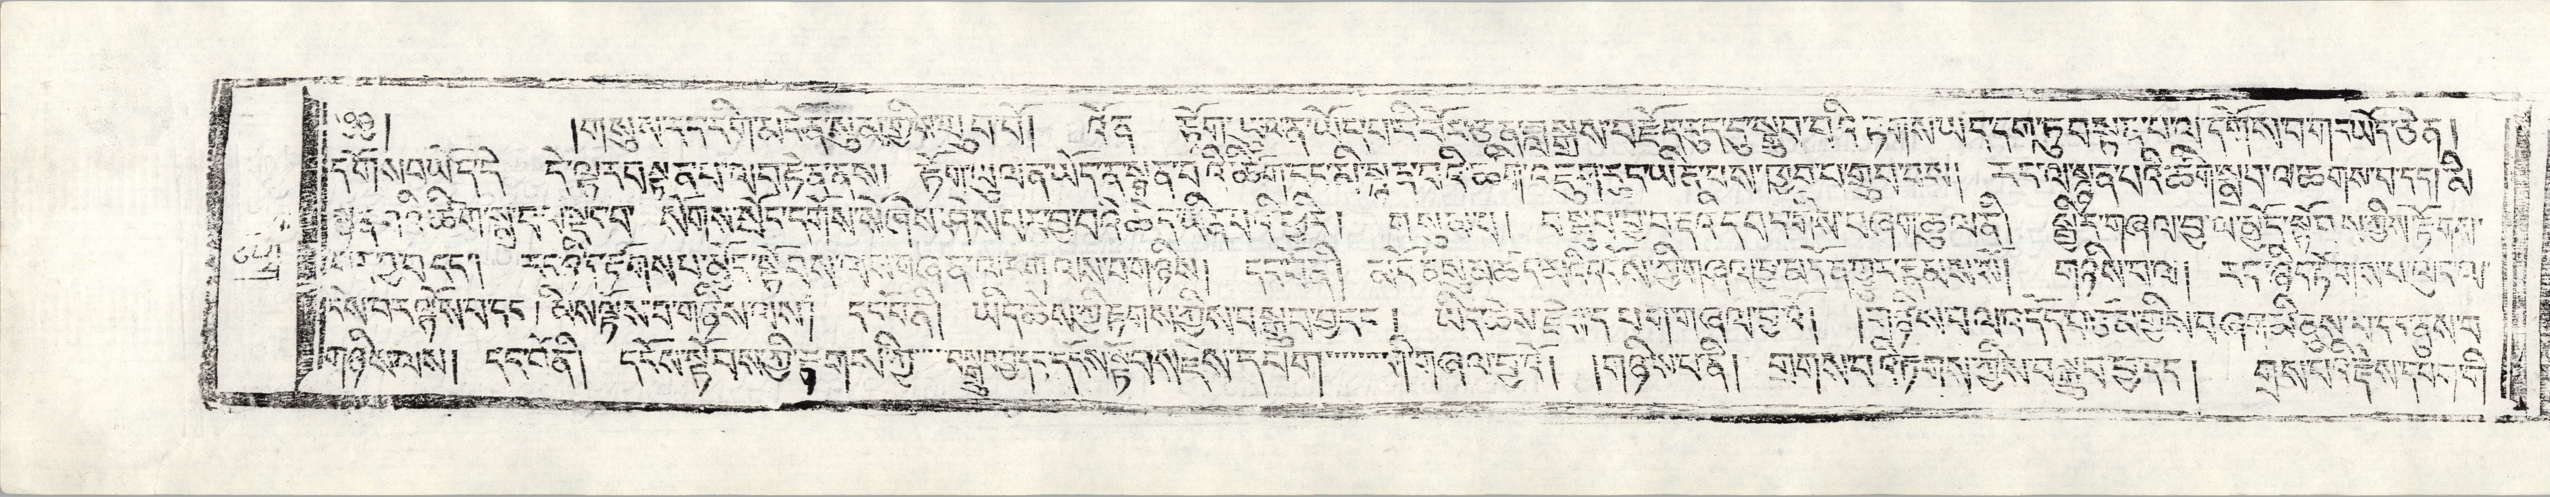༄༅། །གསུམ་རང་རིག་མངོན་སུམ་གྱིས་གྲུབ་པོ། འོ་ན་རྟོག་ཡུལ་ན་ཡོད་པ་རི་བོང་ཅན་ཟླ་སྒྲས་བརྗོད་རུང་དུ་སྒྲུབ་པའི་རྟགས་ཡང་དག་ཏུ་བསྟན་པ་ལ་དགོས་པ་གང་ཡོད་ཅེ་ན།
དགོས་པ་ཡོད་དེ། དེ་ལྟར་བསྟན་པ་ལ་བརྟེན་ནས། རྟོག་ཡུལ་ན་ཡོད་ན་སྙན་པའི་ཚིག་དང་མི་སྙན་པའི་ཚིག་འཇུག་རུང་ཡིན་པས་ཁྱབ་པ་གྲུབ་པས། རང་ལ་སྙན་པའི་ཚིག་སྨྲ་བ་ལ་ཆགས་པ་དང་། མི་
སྙན་པའི་ཚིག་སྨྲ་བ་ལ་སྡང་བ་སོགས་སྤོང་དགོས་སོ་ཞེས་ཤེས་པར་བྱ་བའི་ཆེད་ཡིན་པའི་ཕྱིར། གསུམ་པ། བསྒྲུབ་བྱ་བརྡའི་དབང་གིས་བཞག་ཚུལ་ནི། སྤྱིར་གཞལ་བྱ་ལ་མྱོང་སྟོབས་ཀྱིས་རྟོགས་
པར་བྱ་བ་དང་། རང་ཉིད་རྟོགས་པ་མྱོང་སྟོབས་ལས་གཞན་ལ་རག་ལས་པ་གཉིས། དང་པོ་ནི། མངོན་སུམ་ཚད་མའི་དངོས་ཀྱི་གཞལ་བྱ་མངོན་གྱུར་རྣམས་སོ། གཉིས་པ་ལ། རང་ཉིད་རྟོགས་པ་ལུང་ལ་
ངེས་པར་ལྟོས་པ་དང་། མི་ལྟོས་པ་གཉིས་ལས། དང་པོ་ནི། ཡིད་ཆེས་ཀྱི་རྟགས་ཀྱིས་བསྒྲུབ་བྱ་དང་། ཡིད་ཆེས་རྗེས་དཔག་གི་གཞལ་བྱའོ། །གཉིས་པ་ལ་འདོད་པ་ཙམ་གྱིས་བཞག་མི་ནུས་པ་དང་ནུས་པ་
གཉིས་ལས། དང་པོ་ནི། དངོས་སྟོབས་ཀྱི་རྟགས་ཀྱི་བསྒྲུབ་བྱ་དང་དངོས་སྟོབས་རྗེས་དཔག་གི་གཞལ་བྱའོ། །གཉིས་པ་ནི། གྲགས་པའི་རྟགས་ཀྱིས་བསྒྲུབ་བྱ་དང་། གྲགས་པའི་རྗེས་དཔག་གི་